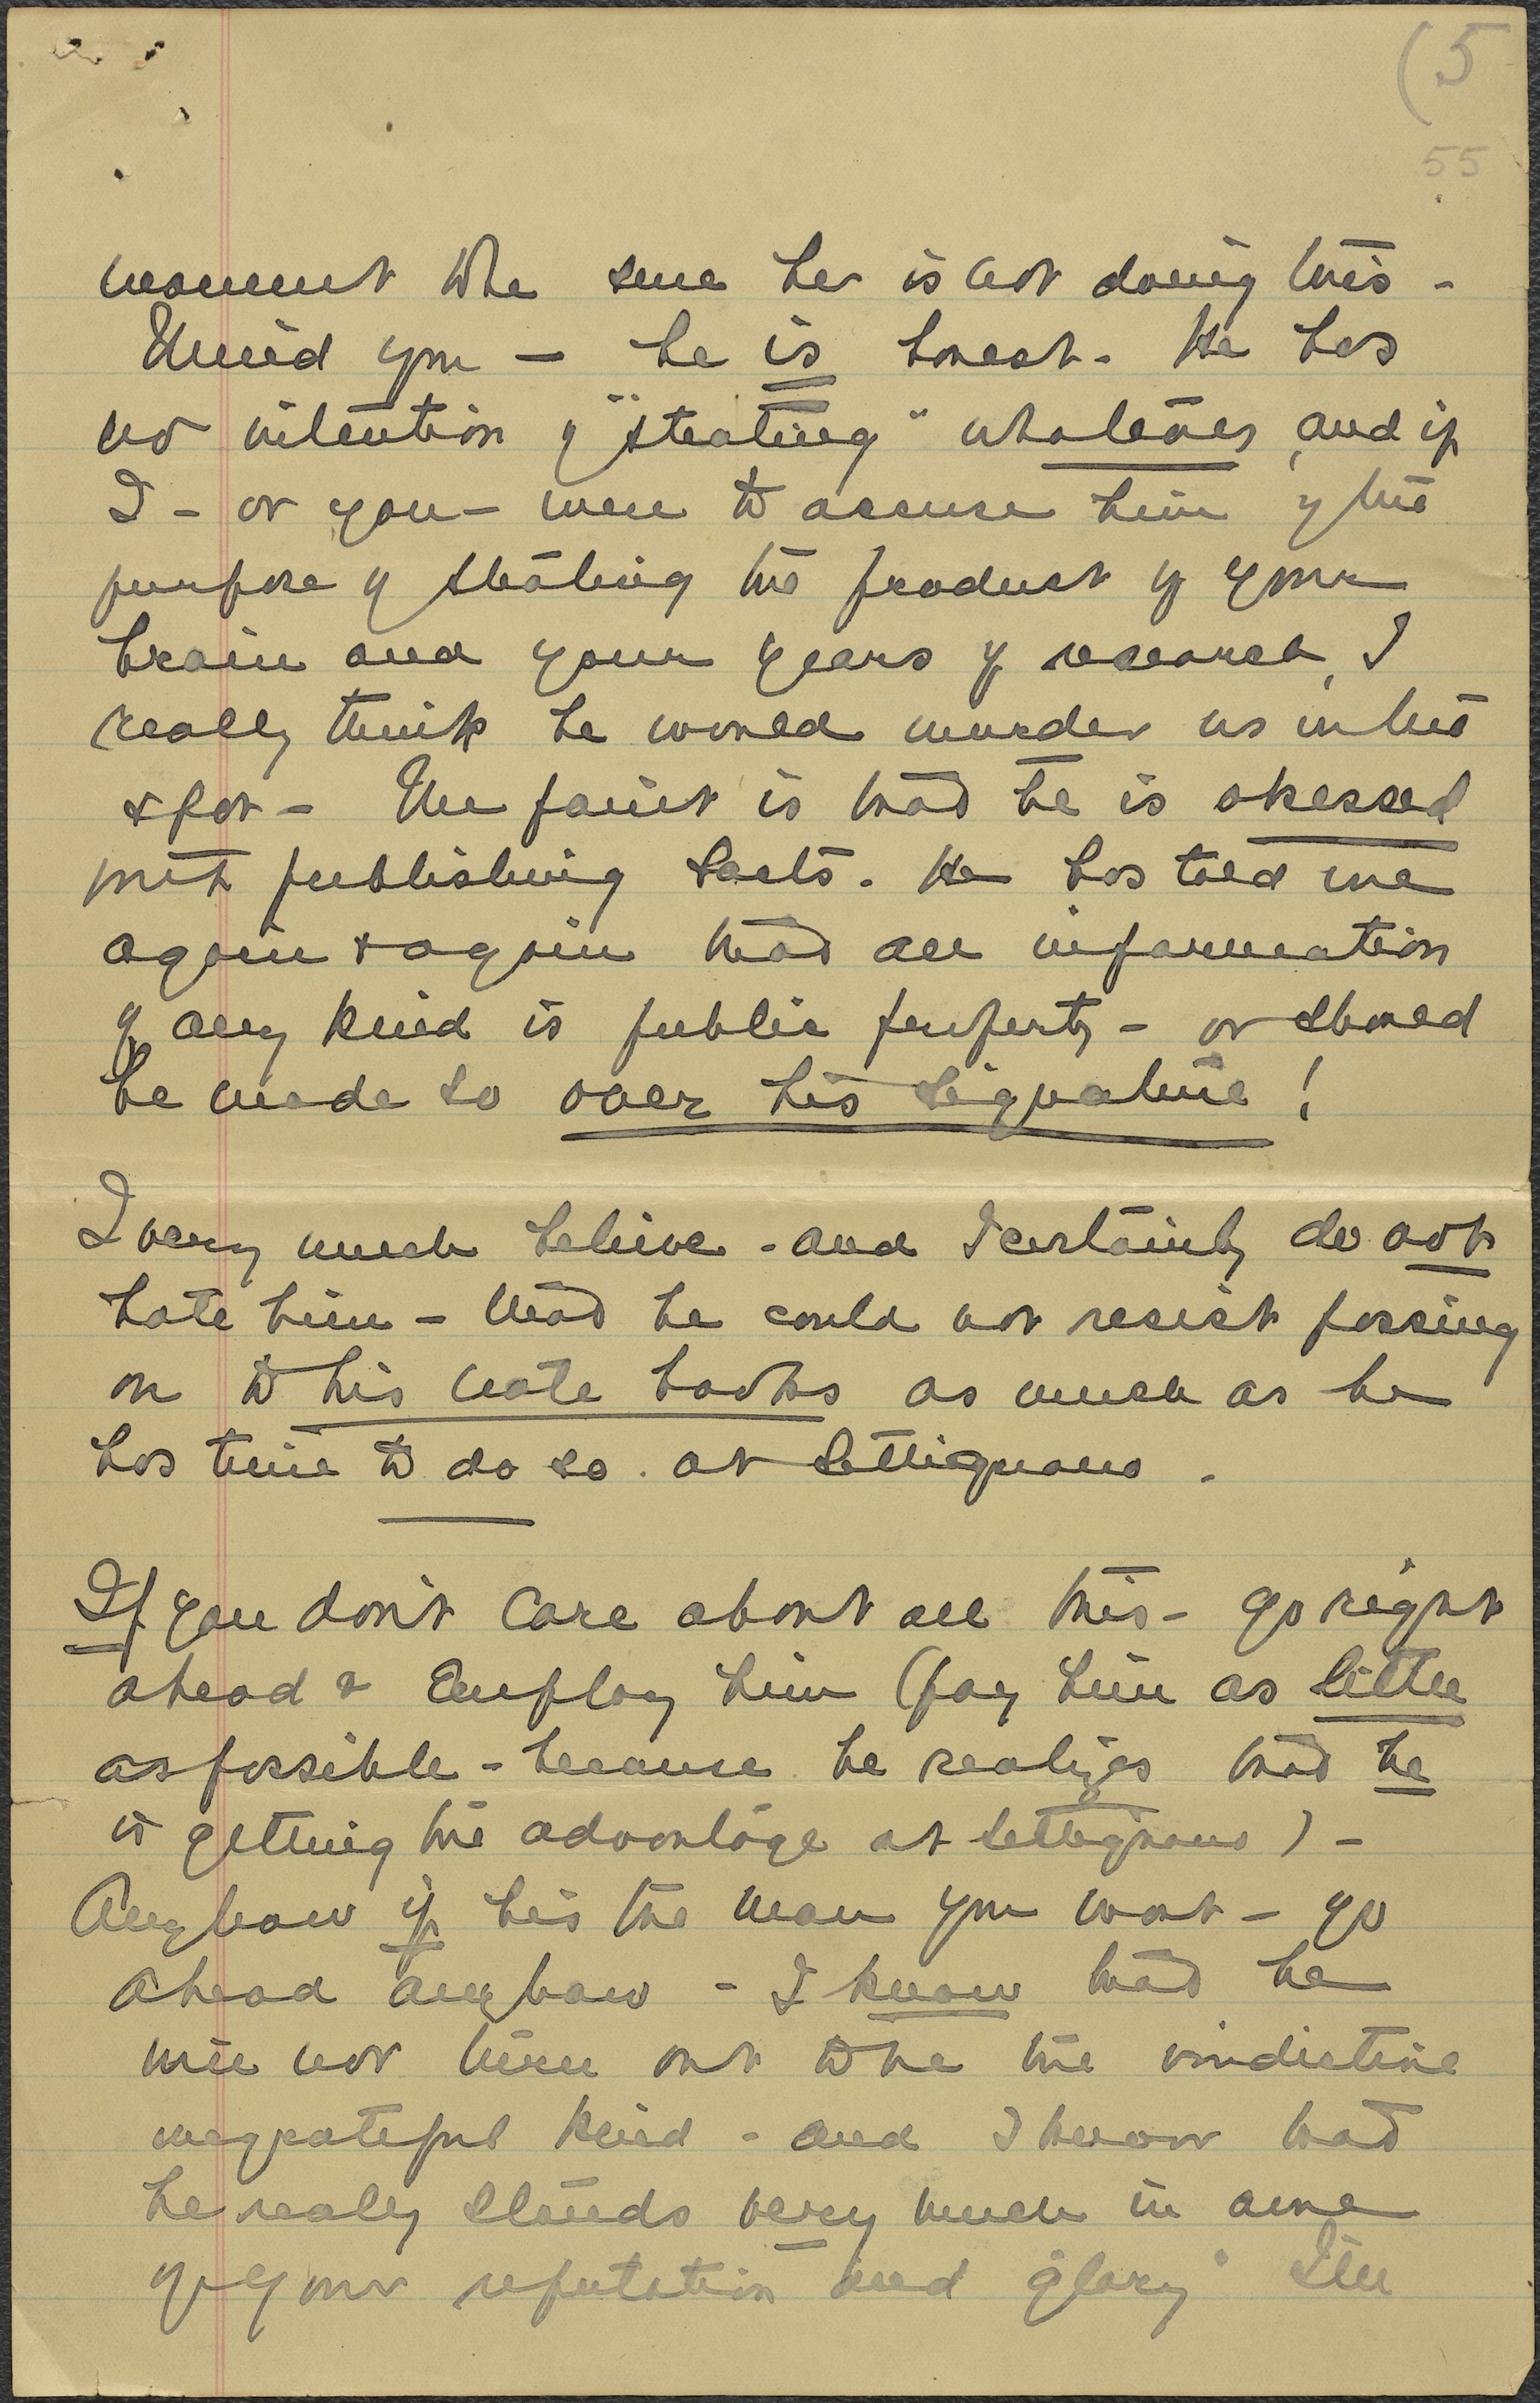moment to be sure he is not doing this – Mind you – he [underlined twice: is] honest. He has no intention of "stealing" whatever, and if I – or you – were to accuse him 'of the purpose' of stealing the product of your brain and your years of research, I really think he would murder us on the spot – The point is that he is obsessed with publishing facts. He has told me again & again that all information of any kind is public property – or should be made so over his signature!
I very much believe – and I certainly do not hate him – that he could not resist passing on to his note books as much as he has time to do so, at Settignano.
If you don't care about all this – go right ahead & employ him (pay him as little as possible – because he realizes that he is getting the advantage at Settignano) –
Anyhow if he's the man you want – go ahead anyhow – I know that he will not turn out to be the vindictive ungrateful kind – and I know that he really stands very much in awe of your reputation and "glory" I'm